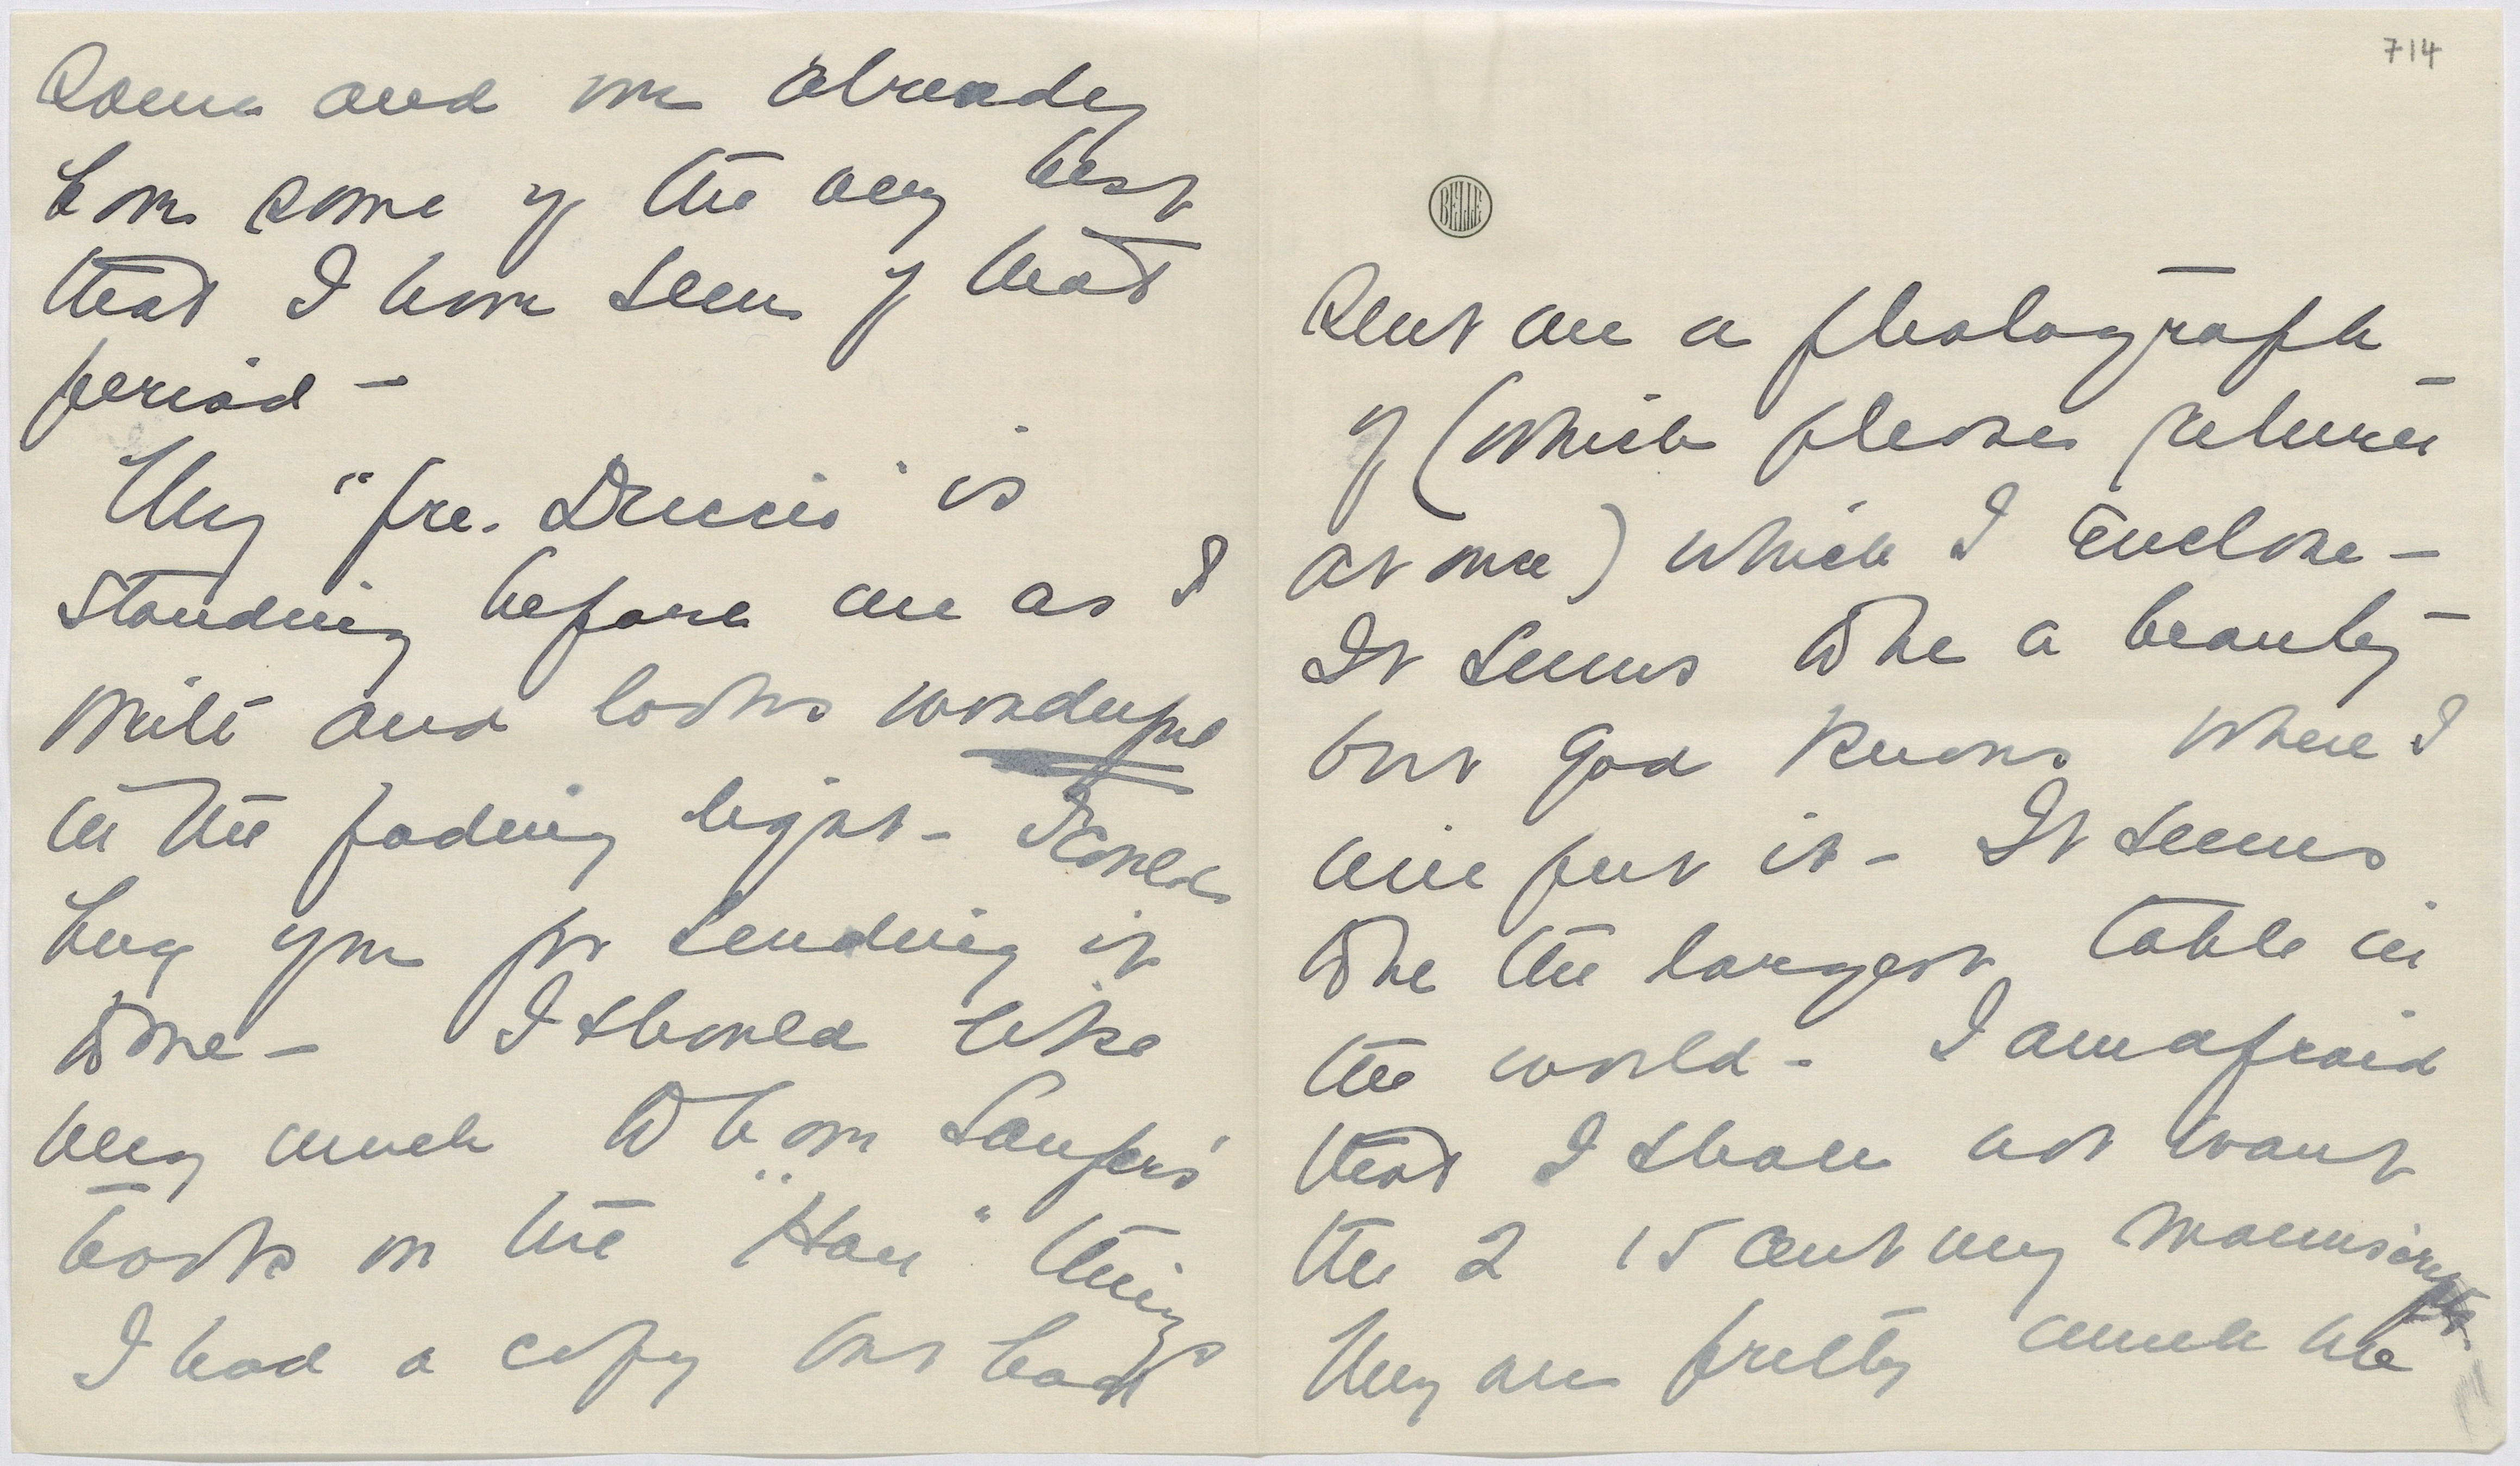sent me a photograph of (which please return at once) which I enclose – It seems to be a beauty but God knows where I will put it – I seems to be the largest table in the world. I am afraid that I shall not want the 2 15 century manuscripts. They are pretty much the
same and we already have some of the very best that I have seen of that period –
My “pre-Duccio” is standing before me as I write and looks [double underlined: wonderful] in the fading light – I could hug you for sending it to me – I should like very much to have Laufer’s book on the “Han” things. I had a copy but had